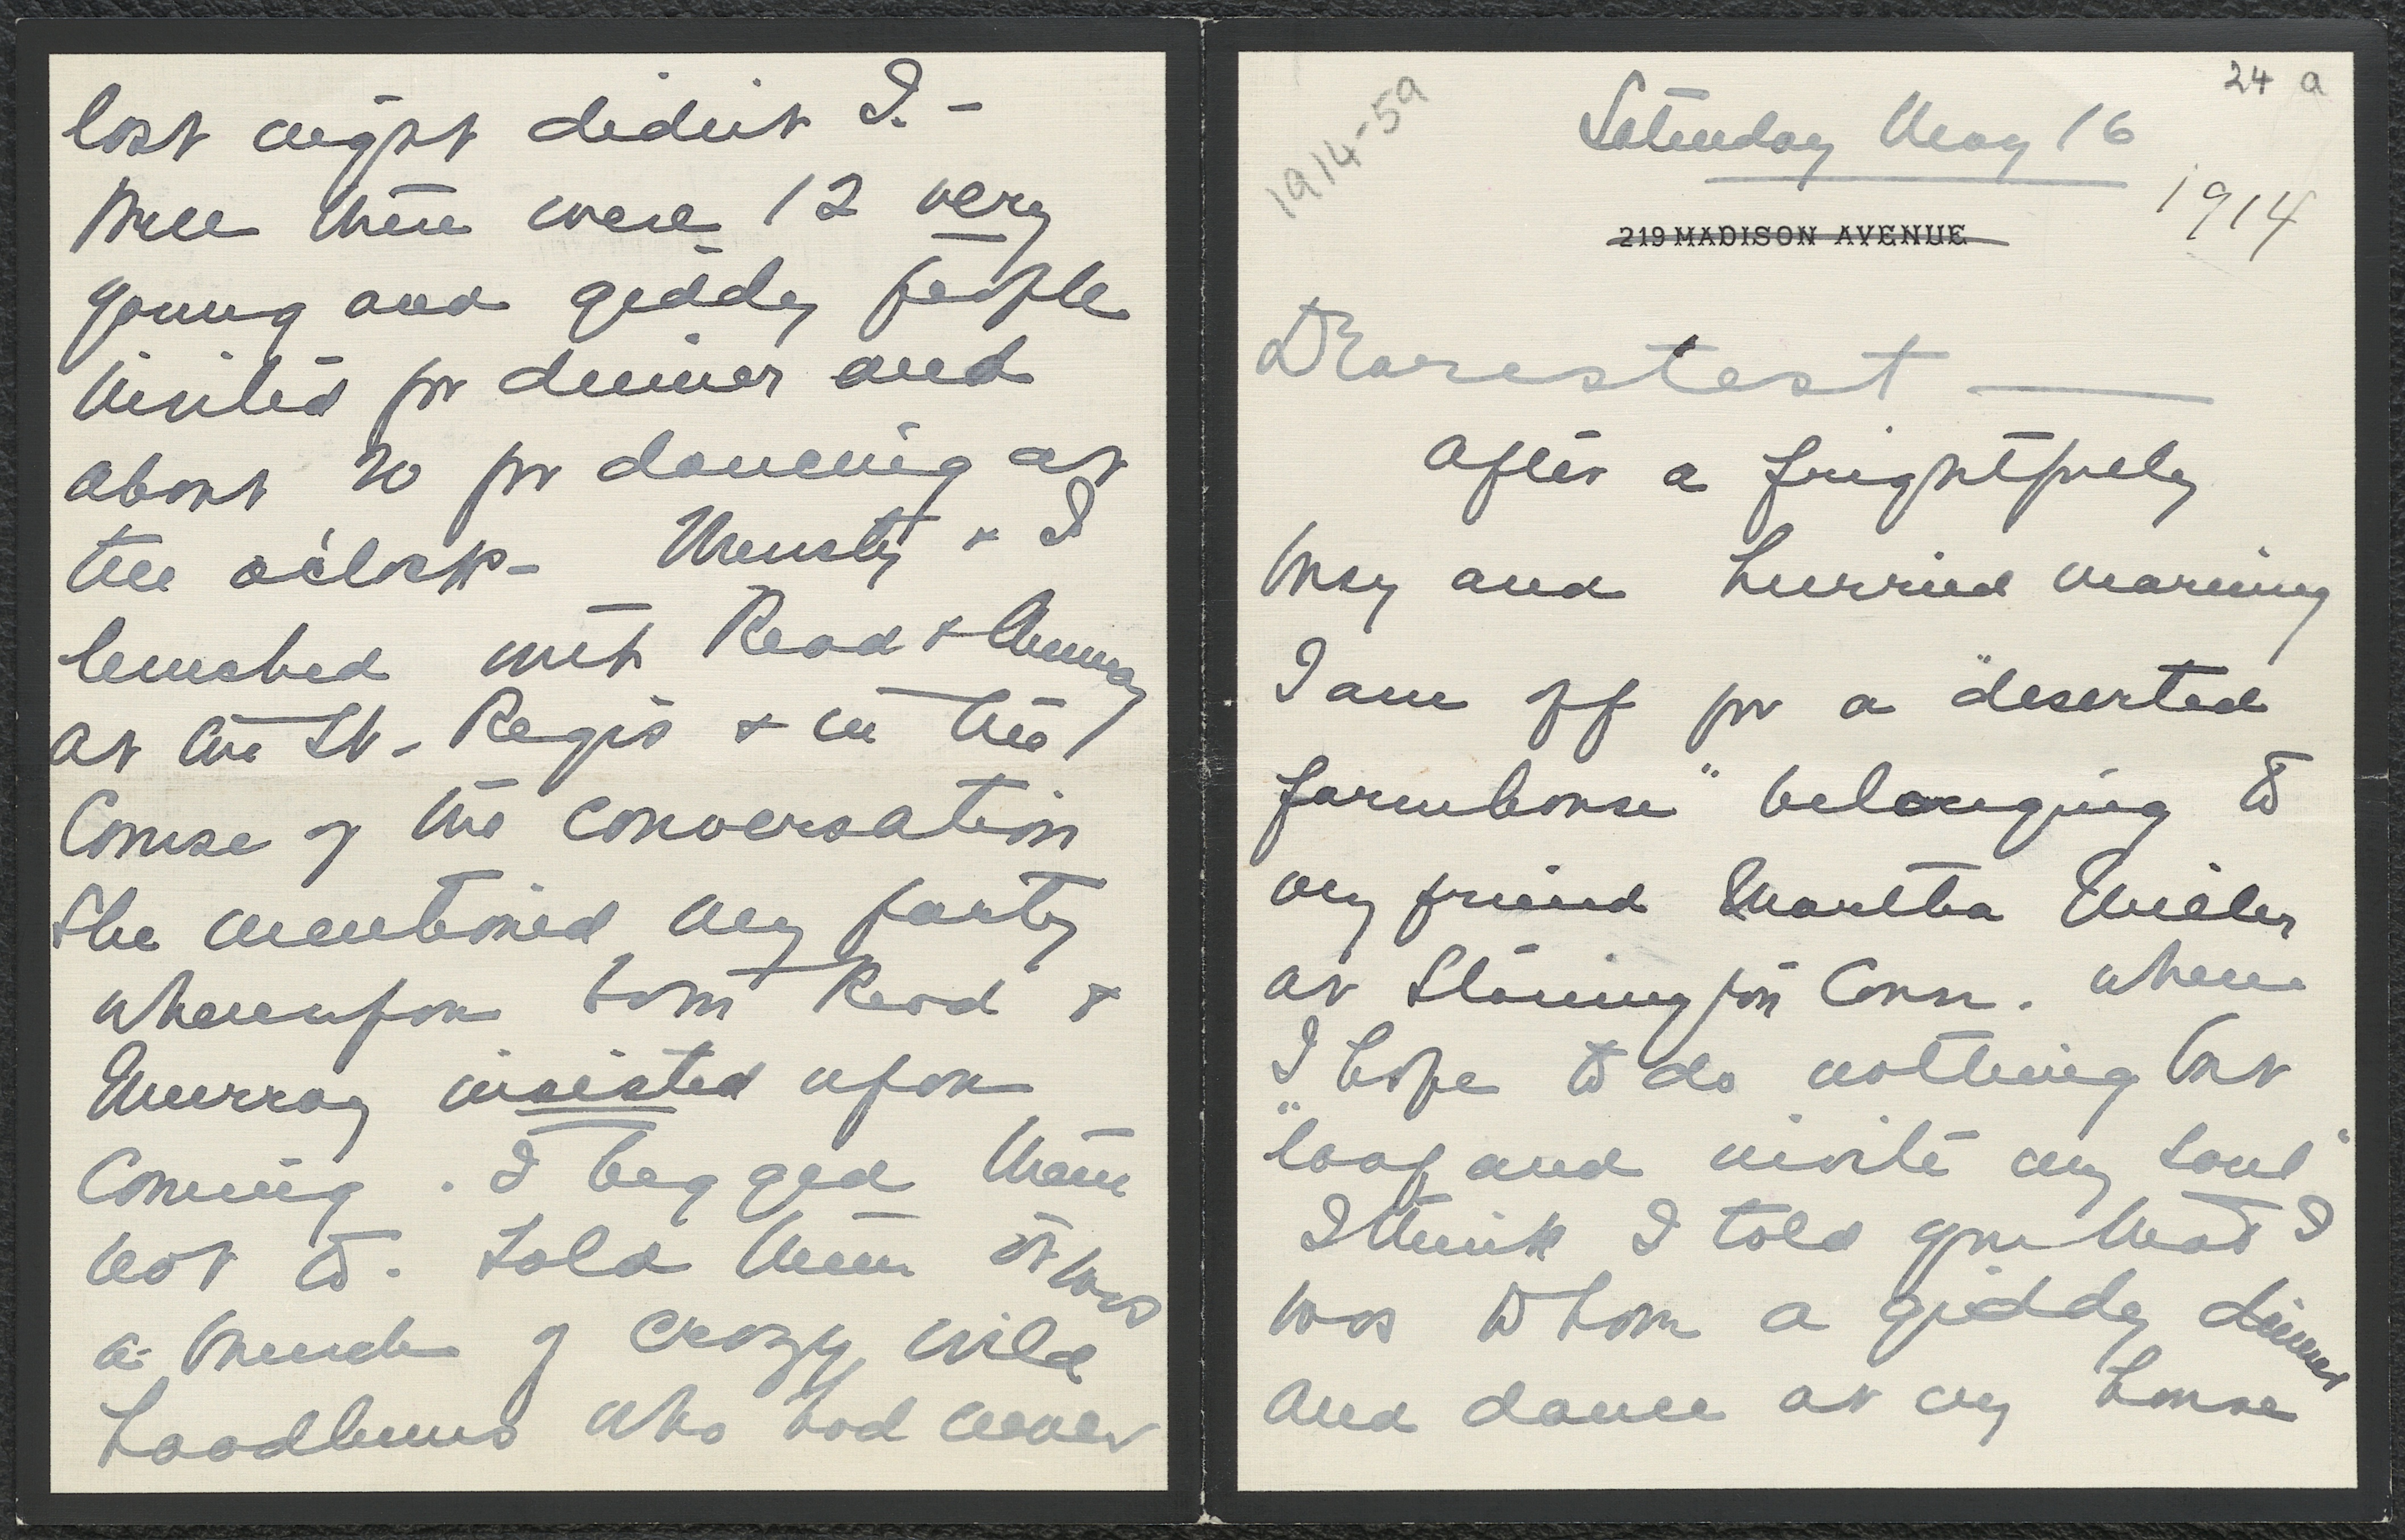Saturday May 16
Dearestest –
After a frightfully busy and hurried morning I am off for a "deserted farmhouse" belonging to my friend Martha Miller at Stonington Conn. Where I hope to do nothing but "loaf and invite my soul"
I think I told you that I was to have a giddy dinner and dance at my house
last night didn't I. – well there were 12 very young and giddy people invited for dinner and about 20 for dancing at ten o'clock – Thursty & I lunched with Read & Murray at the St. Regis & in the course of the conversation she mentioned my party whereupon both Read & Murray [double underlined: insisted] upon coming. I begged them not to. Told them it was a bunch of crazy wild hoodlums who had never